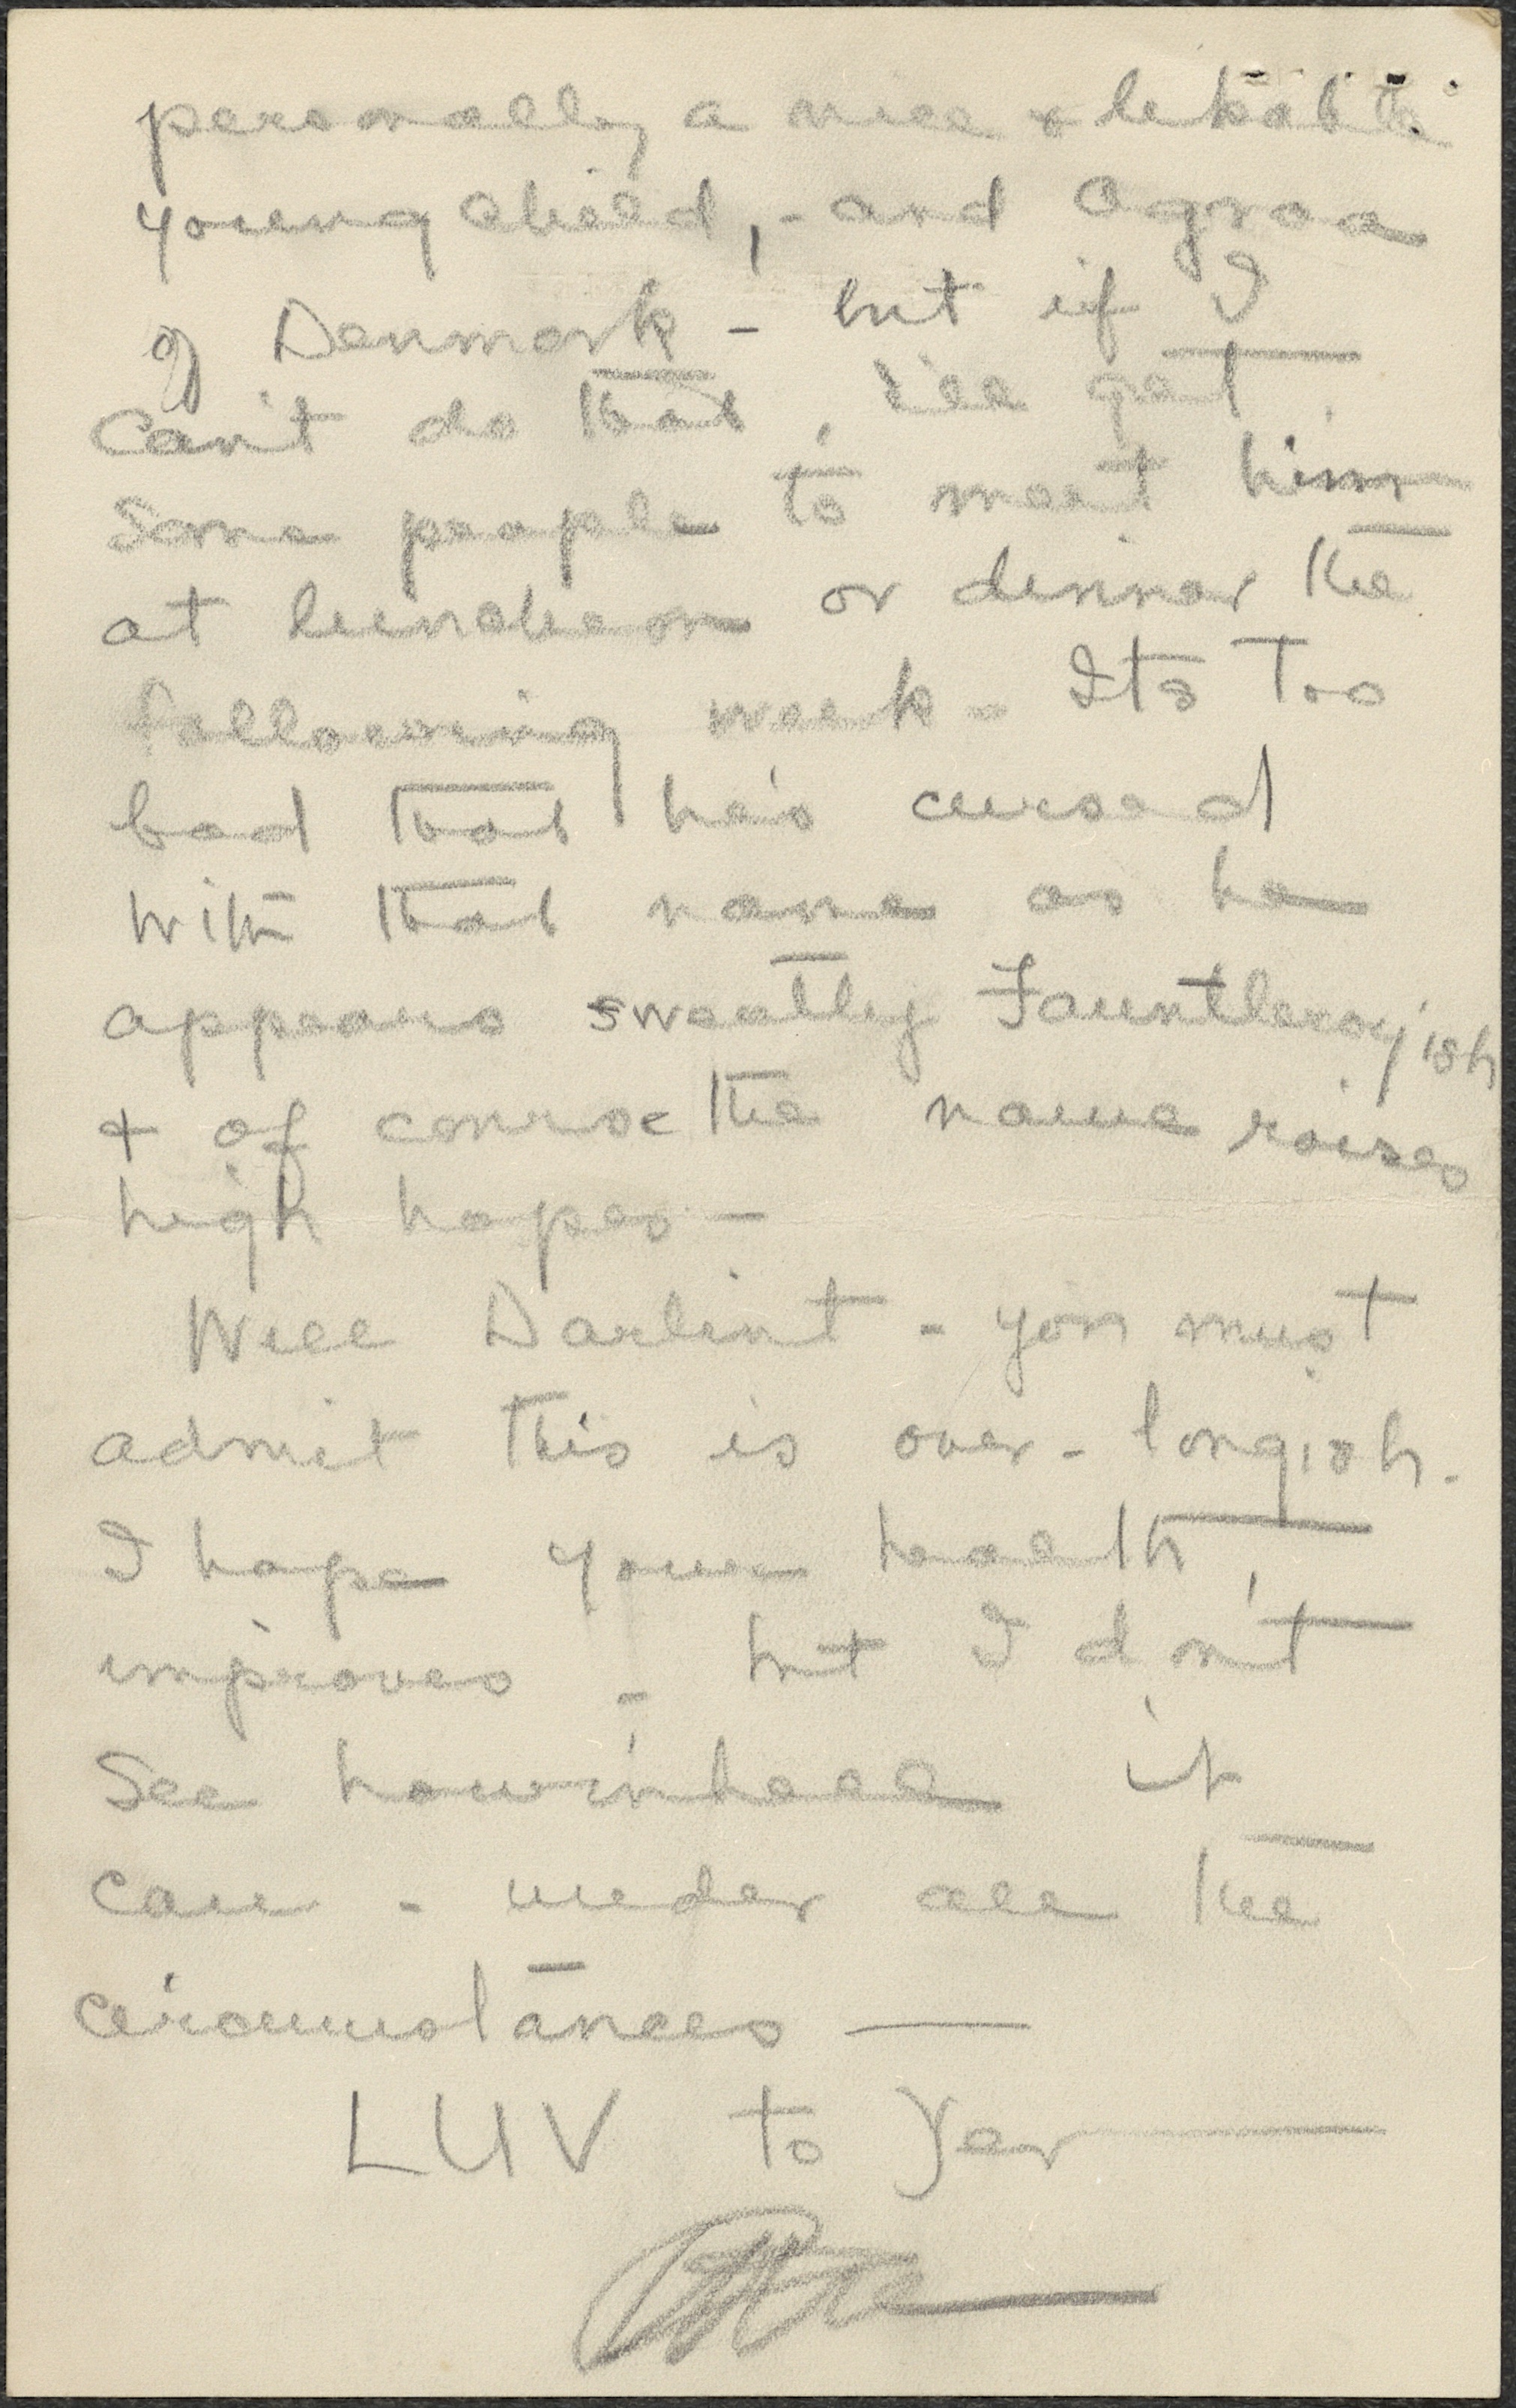personally a nice & likeable young child, – and Agroa of Denmark – but if I can’t do that, I’ll get some people to meet him at luncheon or dinner the following week – Its too bad that he’s cursed with that name as he appears sweetly Fauntleroyish & of course the name raises high hopes –
Well Darlint – you must admit this is over-longish. I hope your health improves – but I don’t see howinhell it can – under all the circumstances –
LUV to you
Belle